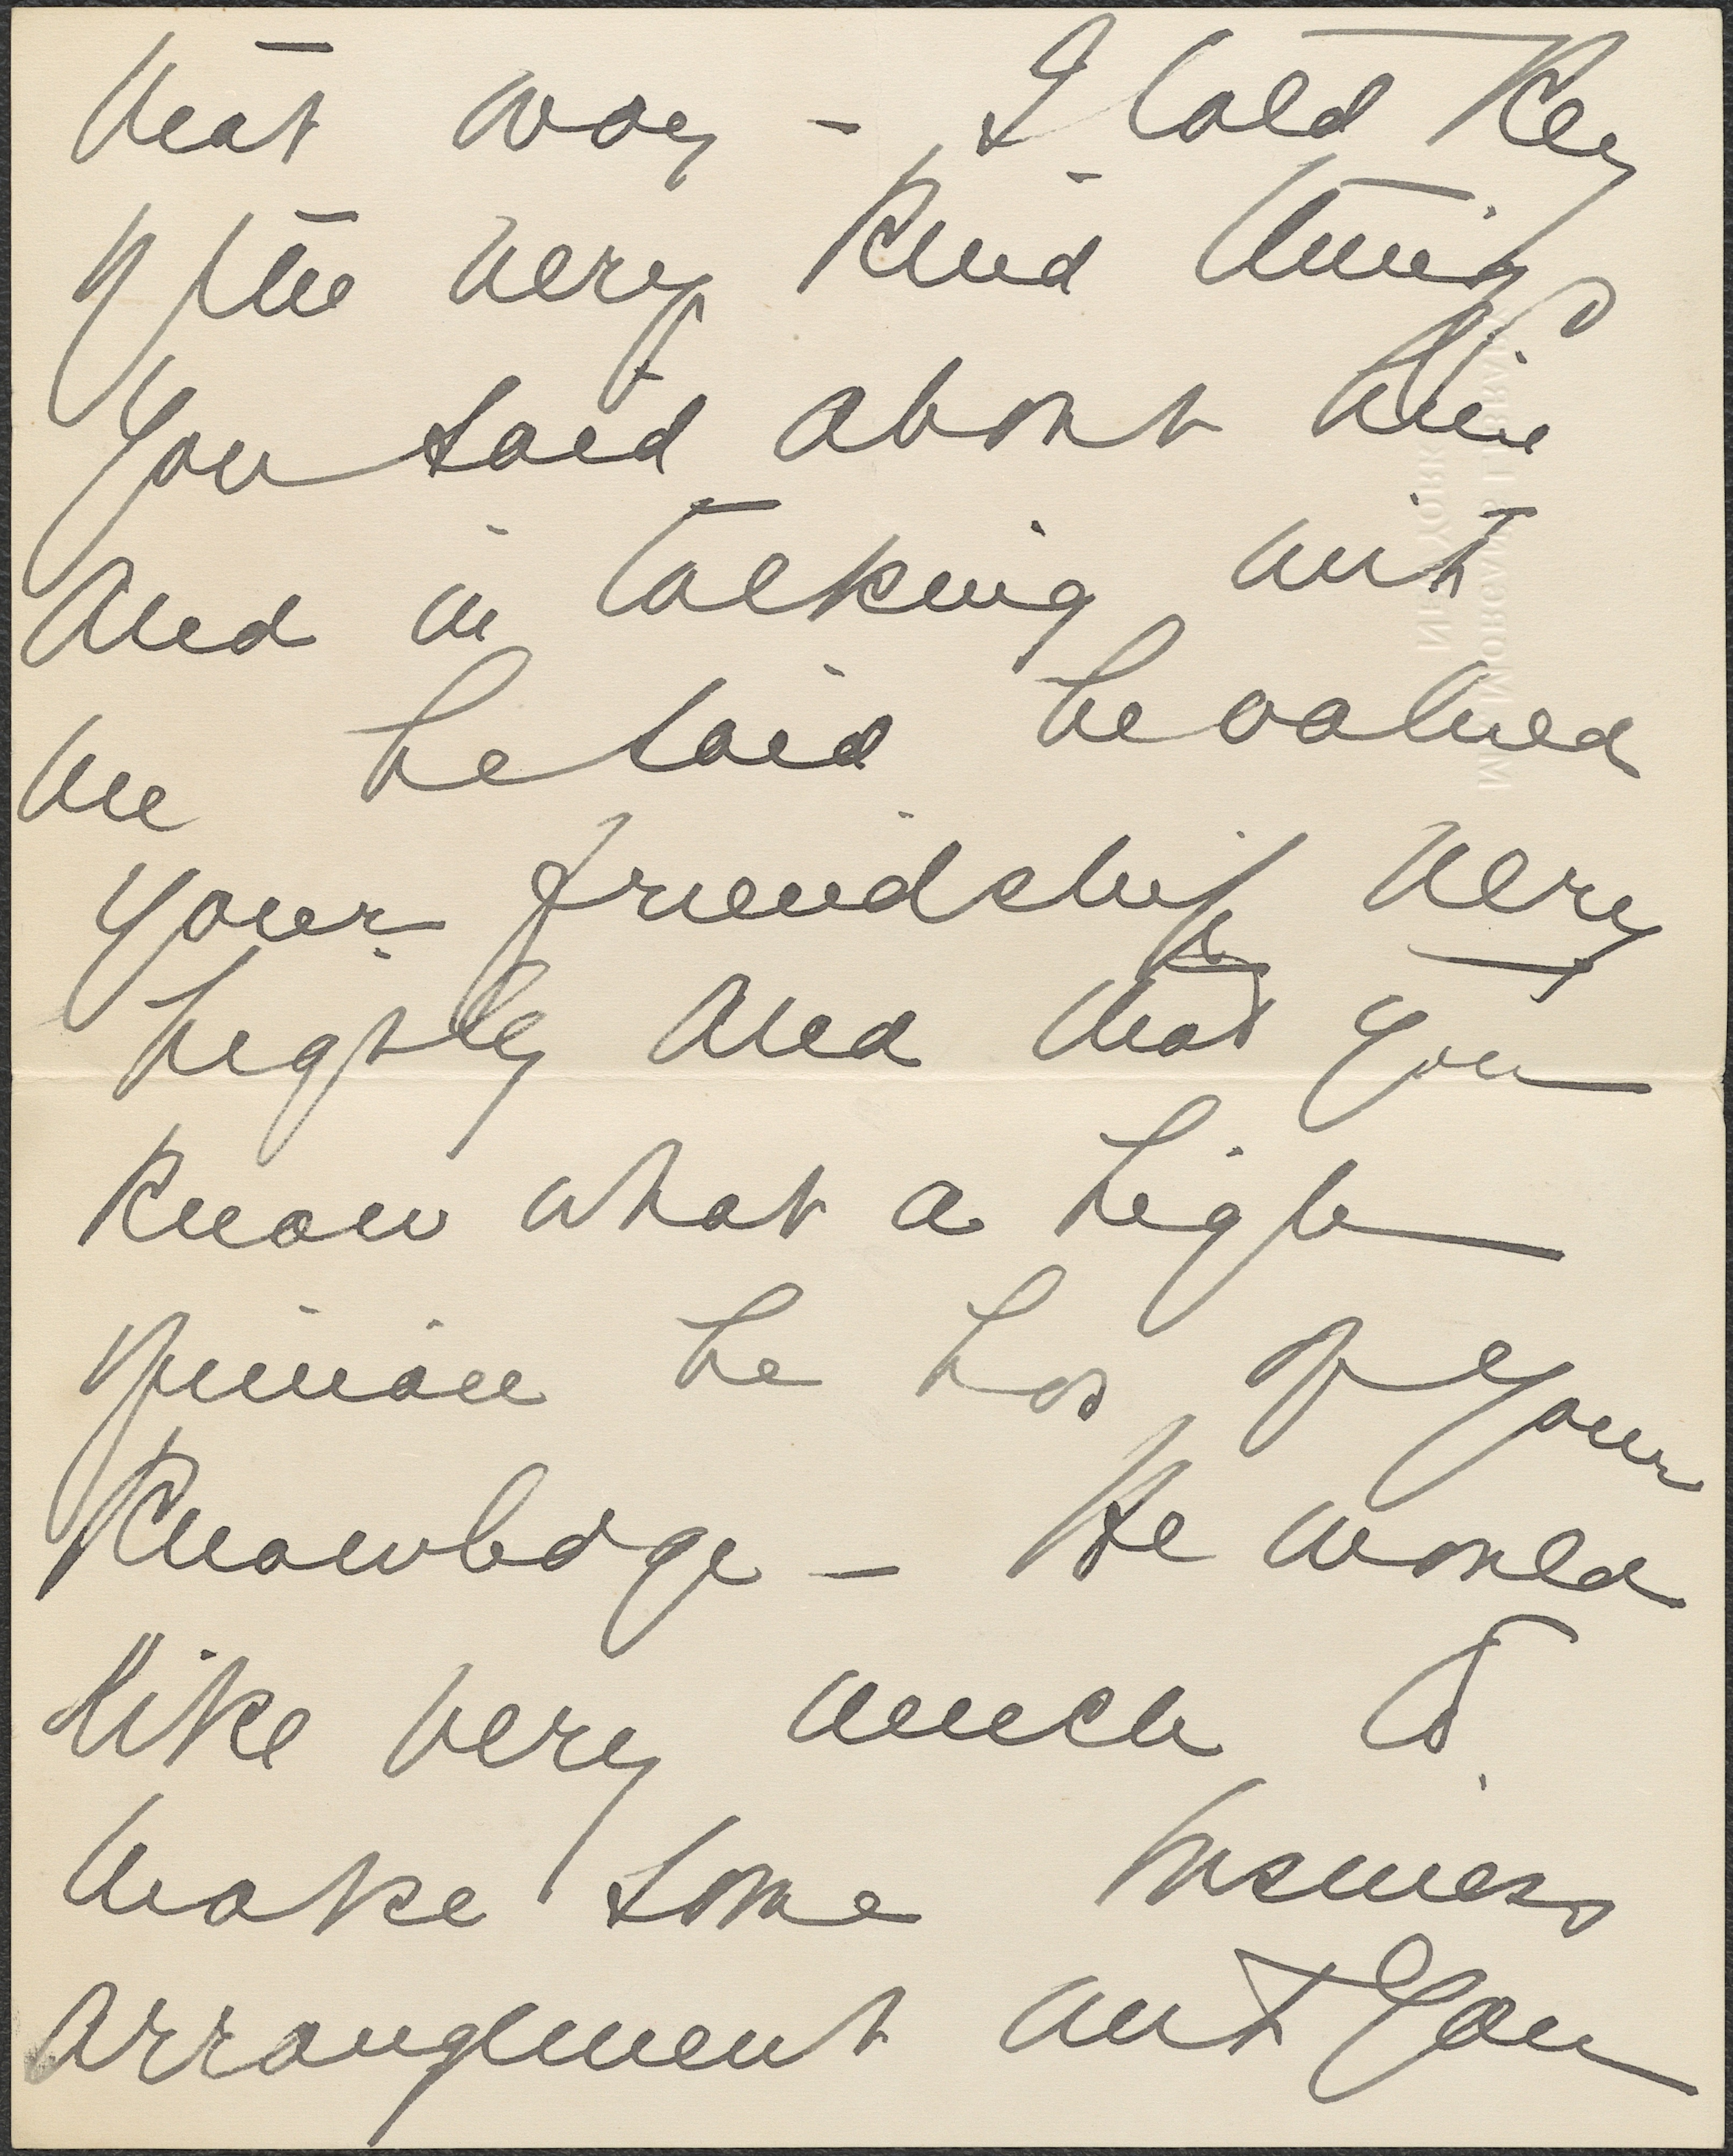that way – I told Rey of the very kind things you had said about him and in talking with me he said he valued your friendship very highly and that you know what a high opinion he has of your knowledge – He would like very much to make some business arrangement with you